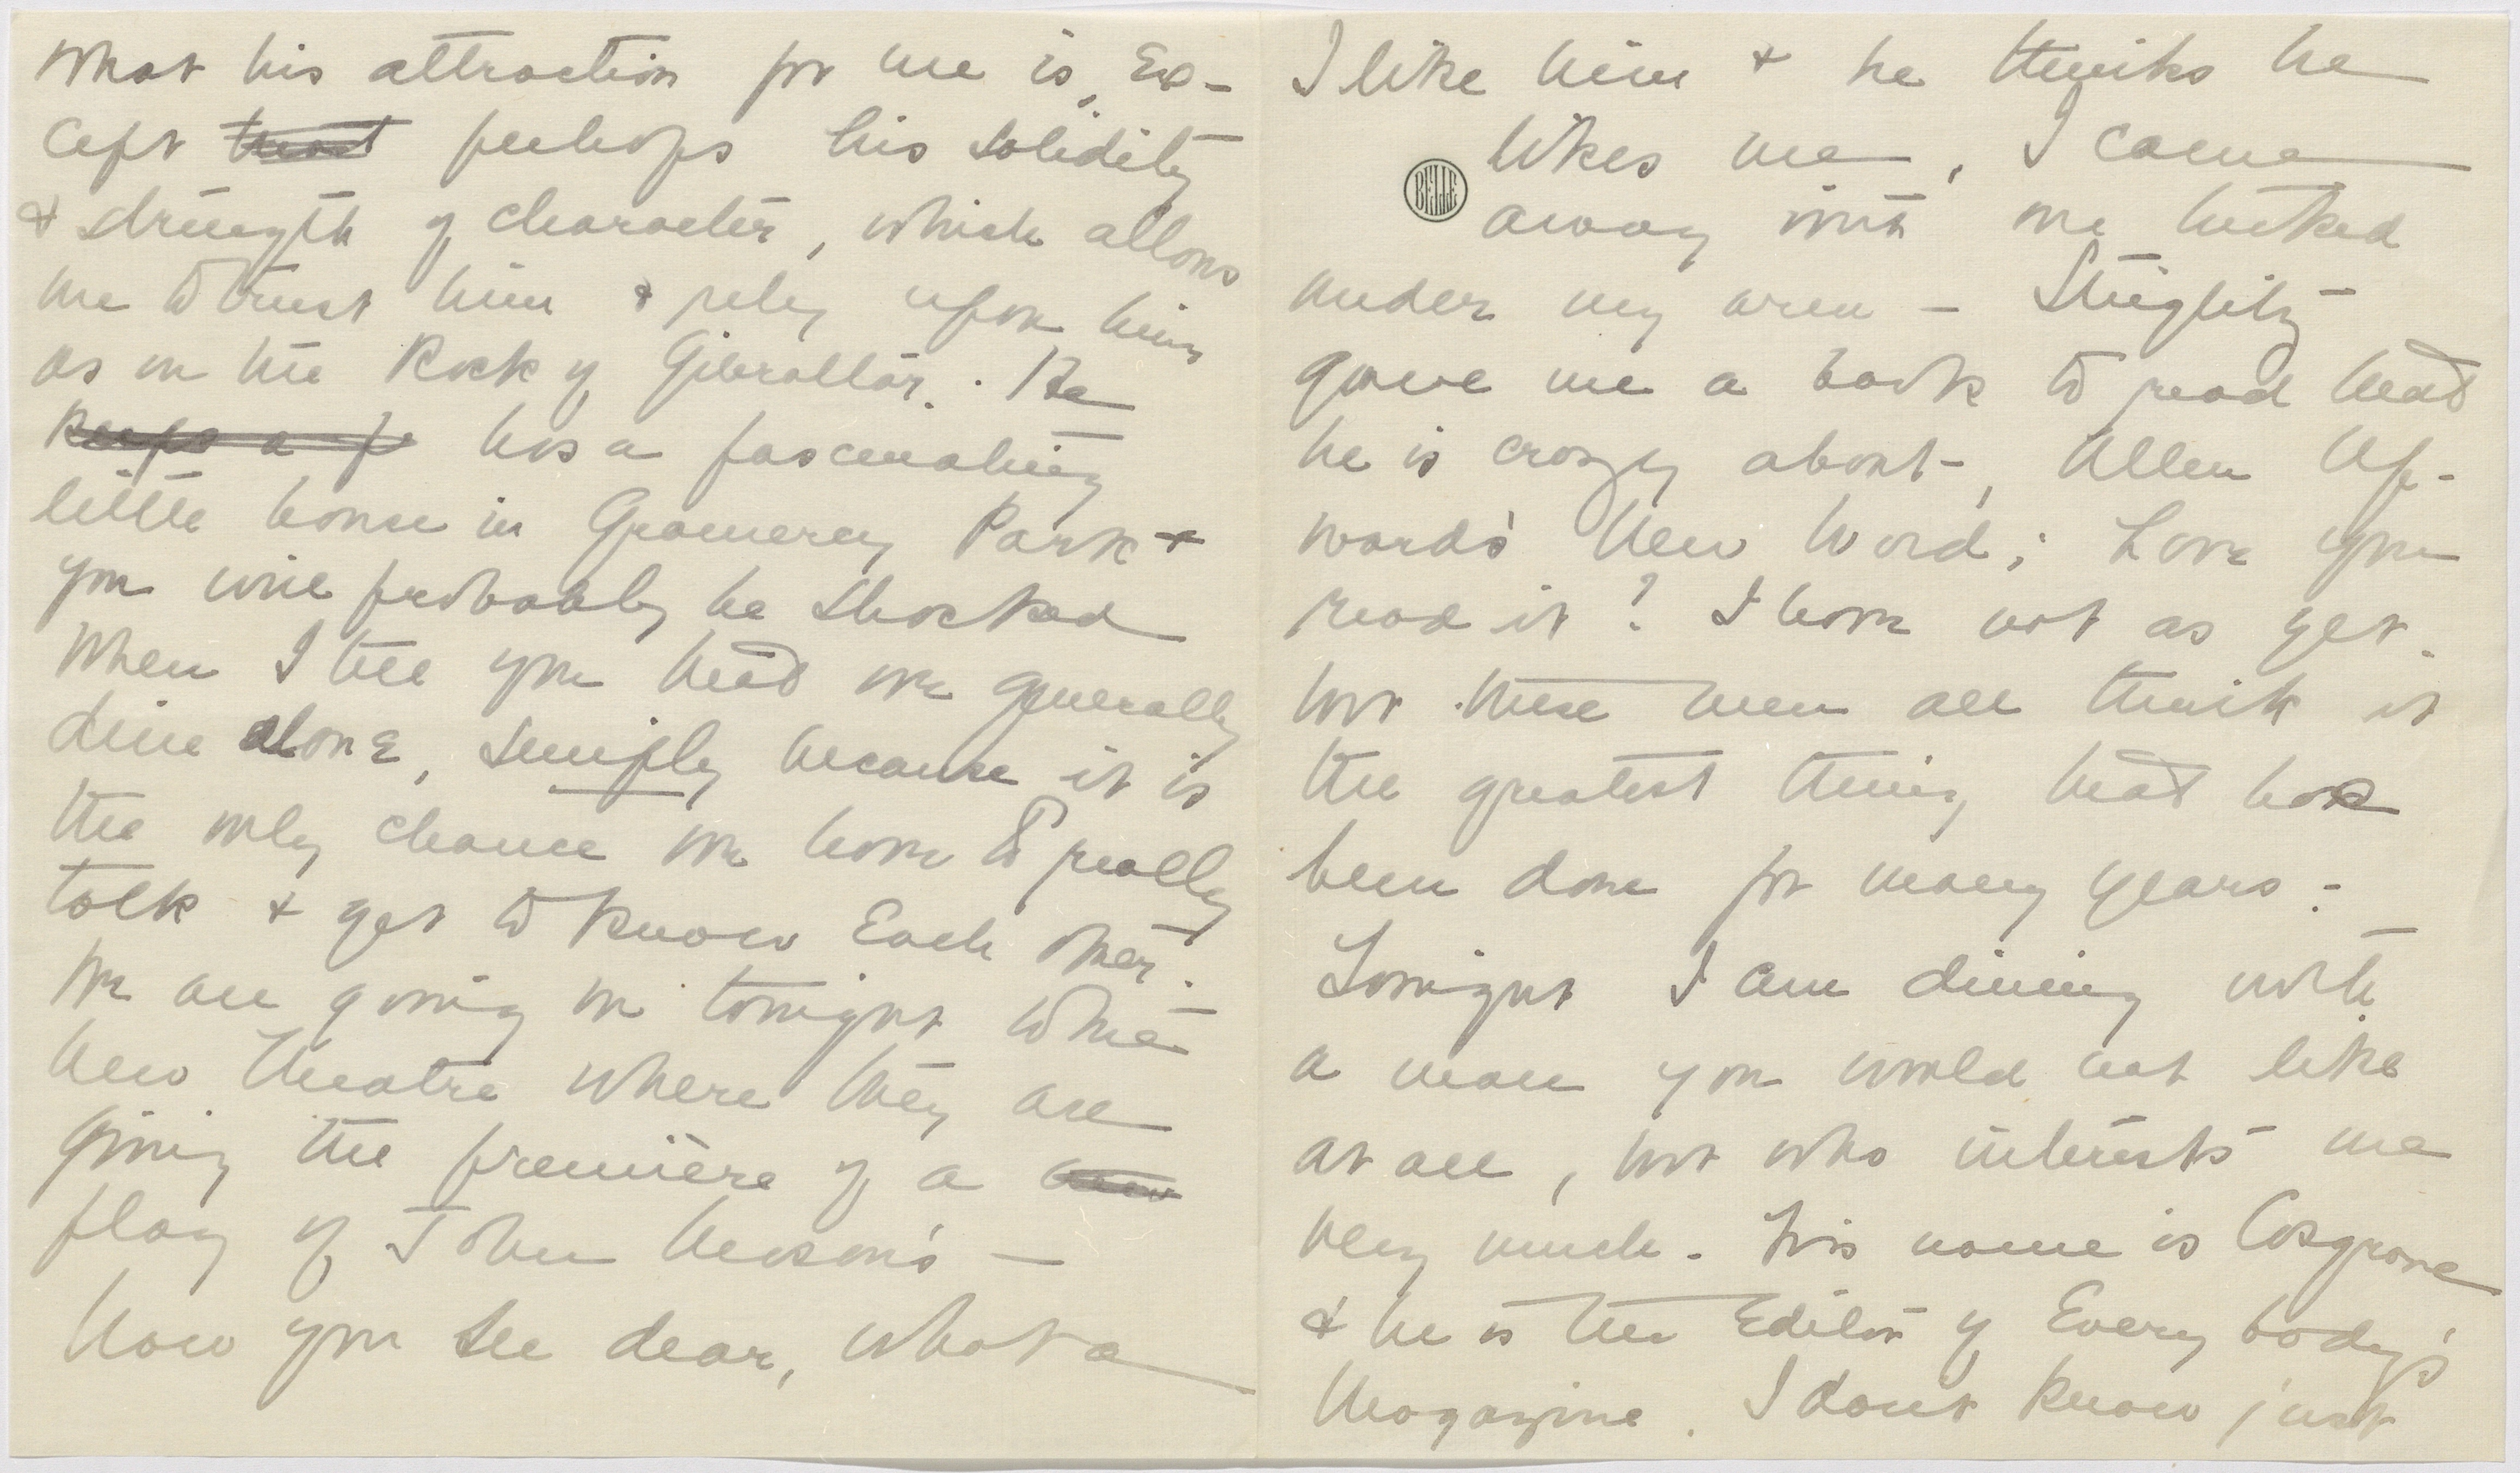I like him & he thinks he likes me, I came away with one tucked under my arm – Stieglitz gave me a book to read that he is crazy about, Allen Upward’s New Word; have you read it? I have not as yet, but these men all think it the greatest thing that has been done for many years –
Tonight I am dining with a man you would not like at all, but who interests me very much. His name is Cosgrave & he is the Editor of Everybody’s Magazine. I don’t know just
what his attraction for me is, except that perhaps his solidity & strength of character, which allows me to trust him & rely upon him as on the Rock of Gibraltar. He keeps a p has a fascinating little house in Gramercy Park & you will probably be shocked when I tell you that we generally dine alone, simply because it is the only chance we have to really talk & get to know each other. We are going out tonight to the New Theatre where they are giving the première of a new play of John Mason’s – Now you see dear, what a